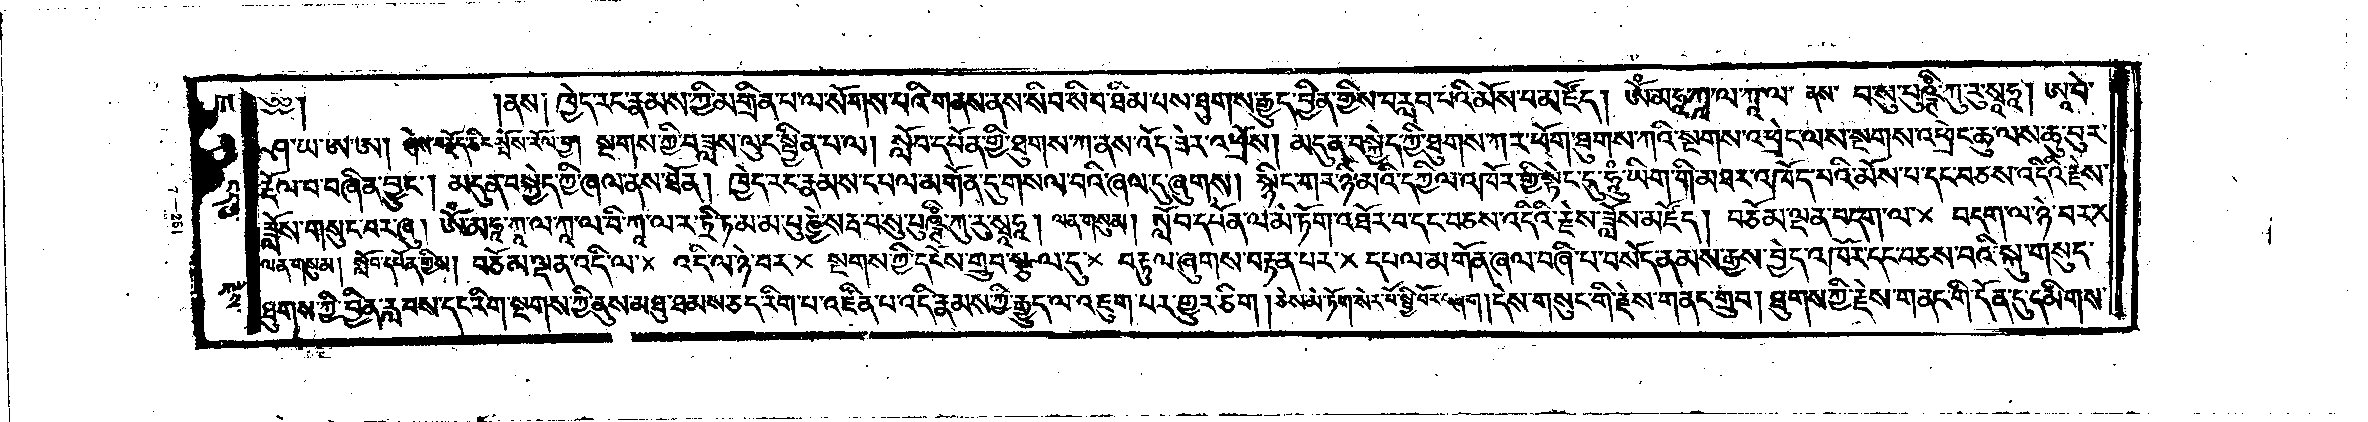༄༅། །ནས༑ ཁྱེད་རང་རྣམས་ཀྱི་མགྲིན་པ་ལ་སོགས་པའི་གནས་ནས་སིབ་སིབ་ཐིམ་པས་ཐུགས་རྒྱུད་བྱིན་གྱིས་བརླབ་པའི་མོས་པ་མཛོད། ཨོཾ་མཧཱ་ཀཱ་ལ་ཀཱ་ལ་ནས་བ་སུ་པུཥྚིཾ་ཀུ་རུ་སྭཱཧཱ། ཨཱ་བེ་
ཤ་ཡ་ཨ་ཨ། ཞེས་བརྗོད་ཅིང་སྤོས་རོལ་བྱ།  སྔགས་ཀྱི་བཟླས་ལུང་སྦྱིན་པ་ལ། སློབ་དཔོན་གྱི་ཐུགས་ཀ་ནས་འོད་ཟེར་འཕྲོས། མདུན་བསྐྱེད་ཀྱི་ཐུགས་ཀར་ཕོག་ཐུགས་ཀའི་སྔགས་འཕྲེང་ལས་སྔགས་འཕྲེང་ཆུ་ལས་ཆུ་བུར་
རྡོལ་བ་བཞིན་བྱུང་། མདུན་བསྐྱེད་ཀྱི་ཞལ་ནས་ཐོན། ཁྱེད་རང་རྣམས་དཔལ་མགོན་དུ་གསལ་བའི་ཞལ་དུ་ཞུགས། སྙིང་གར་ཉི་མའི་དཀྱིལ་འཁོར་གྱི་སྟེང་དུ་ཧཱུཾ་ཡིག་གི་མཐར་འཁོད་པའི་མོས་པ་དང་བཅས་འདིའི་རྗེས་
ཟློས་གསུང་བར་ཞུ། ཨོཾ་མཧཱ་ཀཱ་ལ་ཀཱ་ལ་བི་ཀཱ་ལ་ར་ཏྲི་ཏ་མ་མ་པུཎྱེ་སརྦ་བ་སུ་པུཥྚིཾ་ཀུ་རུ་སྭཱཧཱ། ལན་གསུམ།  སློབ་དཔོན་ལ་མེ་ཏོག་འཐོར་བ་དང་བཅས་འདིའི་རྗེས་ཟློས་མཛོད། བཅོམ་ལྡན་བདག་ལ྾་བདག་ལ་ཉེ་བར྾་
ལན་གསུམ། སློབ་དཔོན་གྱིས།  བཅོམ་ལྡན་འདི་ལ྾་འདི་ལ་ཉེ་བར྾་སྔགས་ཀྱི་དངོས་གྲུབ་སྩལ་དུ྾་བརྟུལ་ཞུགས་བརྟན་པར྾་དཔལ་མགོན་ཞལ་བཞི་པ་བསོད་ནམས་རྒྱ་བྱེད་འཁོར་དང་བཅས་པའི་སྐུ་གསུང་
ཐུགས་ཀྱི་བྱིན་རླབས་དང་རིག་སྔགས་ཀྱི་ནུས་མཐུ་ཐམས་ཅད་རིག་པ་འཛིན་པ་འདི་རྣམས་ཀྱི་རྒྱུད་ལ་འཇུག་པར་གྱུར་ཅིག་།ཅེས་མེ་ཏོག་སེར་པོ་སྤྱི་བོར་བཞག །  དེས་གསུང་གི་རྗེས་གནང་གྲུབ། ཐུགས་ཀྱི་རྗེས་གང་གི་དོན་དུ་དམིགས་